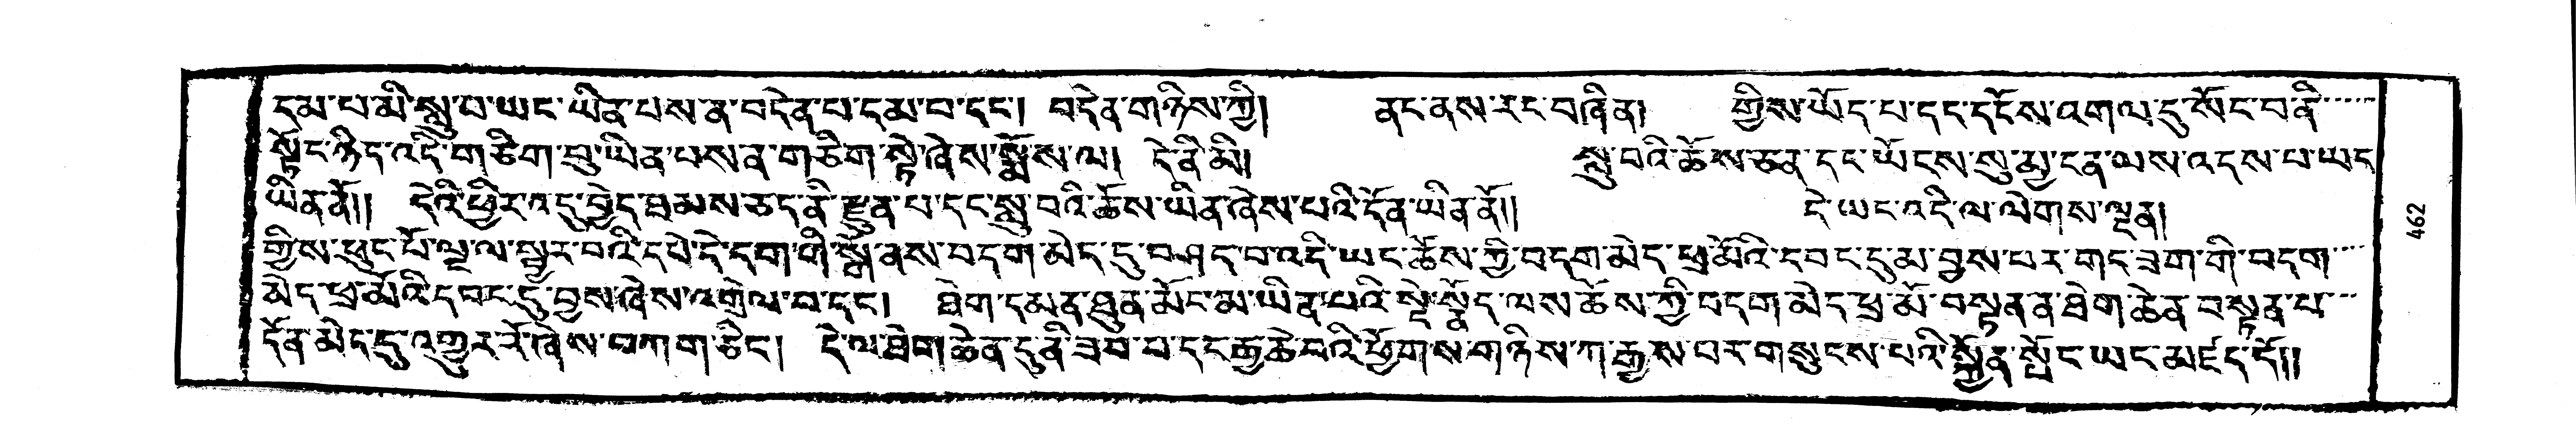དམ་པ་མི་སླུ་བ་ཡང་ཡིན་པས་ན་བདེན་པ་དམ་པ་དང་། བདེན་གཉིས་ཀྱི། ནང་ནས་རང་བཞིན། གྱིས་ཡོད་པ་དང་དངོས་འགལ་དུ་སོང་བ་ནི་
སྟོང་ཉིད་འདི་གཅིག་པུ་ཡིན་པས་ན་གཅིག་སྟེ་ཞེས་སྨོས་ལ། དེ་ནི་མི། སླུ་བའི་ཆོས་ཅན་དང་ཡོངས་སུ་མྱ་ངན་ལས་འདས་པ་ཡང་
ཡིན་ནོ། །དེའི་ཕྱིར་འདུ་བྱེད་ཐམས་ཅད་ནི་རྫུན་པ་དང་སླུ་བའི་ཆོས་ཡིན་ཞེས་པའི་དོན་ཡིན་ནོ། །དེ་ཡང་འདི་ལ་ལེགས་ལྡན།
གྱིས་ཕུང་པོ་ལྔ་ལ་སྦྱར་བའི་དཔེ་དེ་དག་གི་སྒོ་ནས་བདག་མེད་དུ་བཤད་པ་འདི་ཡང་ཆོས་ཀྱི་བདག་མེད་ཕྲ་མོའི་དབང་དུ་མ་བྱས་པར་གང་ཟག་གི་བདག་
མེད་ཕྲ་མོའི་དབང་དུ་བྱས་ཞེས་འགྲེལ་བ་དང་། ཐེག་དམན་ཐུན་མོང་མ་ཡིན་པའི་སྡེ་སྣོད་ལས་ཆོས་ཀྱི་བདག་མེད་ཕྲ་མོ་བསྟན་ན་ཐེག་ཆེན་བསྟན་པ་
དོན་མེད་དུ་འགྱུར་རོ་ཞེས་བཀག་ཅིང་། དེ་ལ་ཐེག་ཆེན་དུ་ནི་ཟབ་པ་དང་རྒྱ་ཆེ་བའི་ཕྱོགས་གཉིས་ཀ་རྒྱས་པར་གསུངས་པའི་སྐྱོན་སྤོང་ཡང་མཛད་དོ། །